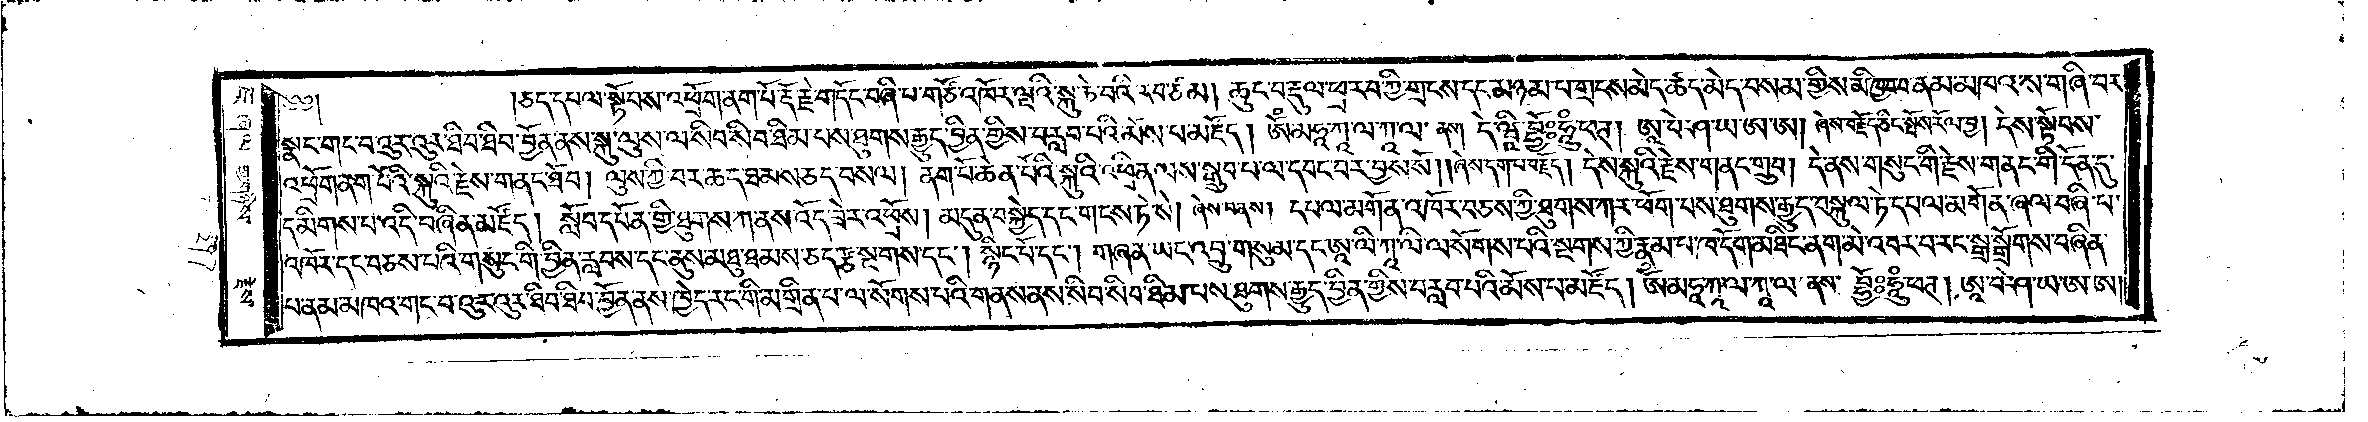༄༅། །ཅད་དཔལ་སྟོབས་འཕྲོག་ནག་པོ་རྡོ་རྗེ་གདོང་བཞི་པ་གཙོ་འཁོར་ལྔའི་སྐུ་ཆེ་བ་རི་རབ་ཙ། ཆུང་བ་རྡུལ་ཕྲ་རབ་ཀྱི་གྲངས་དང་མཉམ་པ་གྲངས་མེད་ཚད་མེད་བསམ་གྱིས་མི་ཁྱབ་པ་ནམ་མཁའ་ས་གཞི་བར་
སྣང་གང་བ་འུར་འུར་ཐིབ་ཐིབ་བྱོན་ནས་སྐུ་ལུས་ལ་སིབ་སིབ་ཐིམ་པ་ཐུགས་རྒྱུད་བྱིན་གྱིས་བརླབ་པའི་མོས་པ་མཛོད། ཨོཾ་མཧཱ་ཀཱ་ལ་ཀཱ་ལ་ནས། དེ་ཝཱི་བྷྱོཿ ཧཱུཾ་ཕཊ། ཨཱ་མེ་ཤ་ཡ་ཨ་ཨ། ཞེས་བརྗོད་ཅིང་སྤོས་རོལ་བྱ།  དེས་སྟོབས་
འཕྲོག་ནག་པོའི་སྐུའི་རྗེས་གནང་ཐོབ། ལུས་ཀྱི་བར་ཆད་ཐམས་ཅད་བསལ། ནག་པོ་ཆེན་པོའི་སྐུའི་འཕྲིན་ལས་སྒྲུབ་པ་ལ་དབང་བར་བྱས་སོ། །ཞེས་དག་པ་བརྗོད།  དེས་སྐུའི་རྗེས་གནང་གྲུབ། དེ་ནས་གསུང་གི་རྗེས་གནང་གི་དོན་དུ་
དམིགས་པ་འདི་བཞིན་མཛོད། སློབ་དཔོན་གྱི་ཐུགས་ཀ་ནས་འོད་ཟེར་འཕྲོས། མདུན་བསྐྱེད་དང་གངས་ཏེ་སེ། ཞེས་པ་ནས།  དཔལ་མགོན་འཁོར་བཅས་ཀྱི་ཐུགས་ཀར་ཕོག་པས་ཐུགས་རྒྱུད་བསྐུལ་ཏེ་དཔལ་མགོན་ཞལ་བཞི་པ་
འཁྲོ་དང་བཅས་པའི་གསུང་གི་བྱིན་རླབས་དང་ནུས་མཐུ་ཐམས་ཅད་རྩ་སྔགས་དང་། སྙིང་པོ་དང་། གཞན་ཡང་འབྲུ་གསུམ་དང་ཨཱ་ལི་ཀཱ་ལི་ལ་སོགས་པའི་སྔགས་ཀྱི་རྣམ་པ་ཁ་དོག་མཐིང་ནག་མེ་འབར་བ་རང་སྒྲ་སྒྲོགས་བཞིན་
པ་ནམ་མཁའ་གང་བ་འུར་འུར་ཐིབ་ཐིབ་བྱོན་ནས་ཁྱེད་རང་གི་མགྲིན་པ་ལ་སོགས་པའི་གནས་ནས་སིབ་སིབ་ཐིམ་པས་ཐུགས་རྒྱུད་བྱིན་གྱིས་བརླབ་པའི་མོས་པ་མཛོད། ཨོཾ་མཧཱ་ཀཱ་ལ་ཀཱ་ལ་ནས། བྷྱོཿ ཧཱུཾ་ཕཊ། ཨཱ་པེ་ཤ་ཡ་ཨ་ཨ།